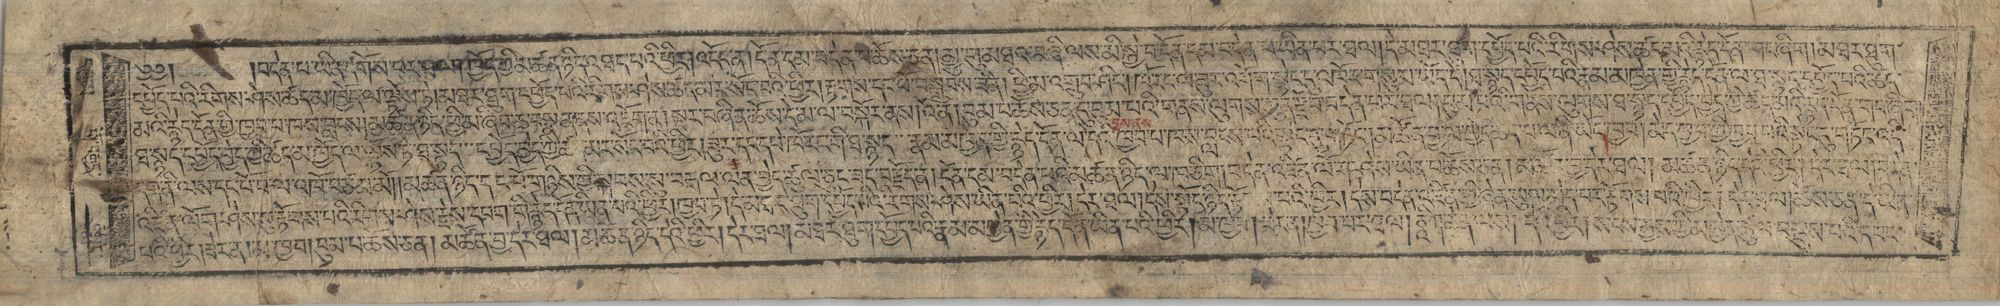༄༅། །བདེན་པ་ཡིན་དགོས་པར་ཐལ། ཁྱོད་ཀྱི་མཚན་ཉིད་འཐད་པའི་ཕྱིར། འདོད་ན། དོན་དམ་བདེན་པ་ཆོས་ཅན། མྱུ་གུ་མཐའ་བཞི་ལས་མི་སྐྱེ་བ་དོན་དམ་བདེན་པ་ཡིན་པར་ཐལ། དེ་མཐར་ཐུག་དཔྱོད་པའི་རིགས་ཤེས་ཚད་མའི་རྙེད་དོན་གང་ཞིག །མཐར་ཐུག་
དཔྱོད་པའི་རིགས་ཤེས་ཚད་མ་ཁྱོད་ལ་ལྟོས་ཏེ། མཐར་ཐུག་དཔྱོད་པའི་རིགས་ཤེས་ཚད་མར་སོང་བའི་ཕྱིར། རྟགས་དང་པོ་བསྒྲུབས་ཟིན། ཕྱི་མ་འགྲུབ་ཤིང་། བྱས་ནས་?་ཁོ་རང་ལ་ཟུར་འགོག་སྟེང་དུ་འཁོར་གསུམ་ཡོད་དེ། ཐ་སྙད་དཔྱོད་པའི་རྣམ་མཁྱེན་གྱི་རྙེད་དོན་ལ་ཐ་སྙད་དཔྱོད་པའི་ཚད་
མའི་རྙེད་དོན་གྱི་ཁྱབ་པ་ཁས་བླངས། མཚན་ཉིད་ཕྱི་མ་ཞིབ་ཆ་བསྣན་ནས་འཇོག་ན། སྔར་བཞིན་ཆོས་དེ་མ་ལ་བསྐོར་ནས། འོ་ན། བུམ་པ་ཆོས་ཅན་དུ་བུམ་པའི་གནས་ལུགས་ཀུན་རྫོབ་བདེན་པར་ཐལ། བུམ་པའི་གནས་ལུགས་ཐ་སྙད་དཔྱོད་བྱེད་ཀྱི་ཚད་མའི་རྙེད་དོན་གང་ཞིག །
ཐ་སྙད་དཔྱོད་བྱེད་ཀྱི་ཚད་མ་ཁྱོད་ལ་ལྟོས་ཏེ་ཐ་སྙད་དཔྱོད་བྱེད་ཀྱི་ཚད་མར་སོང་བའི་ཕྱིར། ཟུར་དང་དཔེ་ཁོ་རང་གི་ཐ་སྙད་རྣམ་མཁྱེན་གྱི་རྙེད་དོན་ལ་དེའི་ཁྱབ་པ་ཁས་བླངས་པའི་སྟེང་དུ་གཏོང་། མཚོན་བྱ་ལ་ཁྱོད་ཆད་པ་ལ་ནི་ཡོད་ཁྱབ། མེད་ཁྱབ་ཀྱི་ཁྱབ་པའི་སྟེང་དུ་གཏོང་འདི་
དག་ནི་ལས་དང་པོ་བ་ལ་འཁོ?་བ་ཙམ་མོ། །མཚན་ཉིད་དང་པོ་གཉིས་ཀྱི་སྐབས་སུ་བརྒལ་ལན་བྱེད་ཚུལ་ཅུང་ཟད་བརྗོད་ན། དོན་དམ་བདེན་པའི་མཚན་ཉིད་ལ་ཁ་ཅིག །བདེན་འཛིན་ལོག་ཤེས་ཡིན་པ་ཆོས་ཅན། མཚོན་བྱ་དེར་ཐལ། མཚན་ཉིད་དེའི་ཕྱིར། དེར་ཐལ། བདེན་
འཛིན་ལོག་ཤེས་སུ་རྟོགས་པའི་རིགས་ཤེས་རྗེས་དཔག་གི་རྙེད་དོན་ཡིན་པའི་ཕྱིར། ཁྱབ་ཏེ། དེ་མཐར་ཐུག་དཔྱོད་པའི་རིགས་ཤེས་ཡིན་པའི་ཕྱིར། དེར་ཐལ། དེས་སྟོང་ཉིད་རྟོགས་པའི་ཕྱིར། དེས་བདེན་འཛིན་གྱི་ཞེན་ཡུལ་མེད་པར་རྟོགས་པའི་ཕྱིར། དེར་ཐལ། ཆོས་ཅན་དེ་ཡིན་
པའི་ཕྱིར། ཟེར་ན། མ་ཁྱབ། བུམ་པ་ཆོས་ཅན། མཚོན་བྱ་དེར་ཐལ། མཚན་ཉིད་དེའི་ཕྱིར། དེར་ཐལ། མཐར་ཐུག་དཔྱོད་པའི་རྣམ་མཁྱེན་གྱི་རྙེད་དོན་ཡིན་པའི་ཕྱིར། མ་ཁྱབ། ཟེར་ན། ཁྱབ་པར་ཐལ། ཊཱིཀ་ཆེན་ལས། དེའི་ཕྱིར། སངས་རྒྱས་ཀྱི་མཁྱེན་ཚུལ་བསྡུས་པའི་དབང་